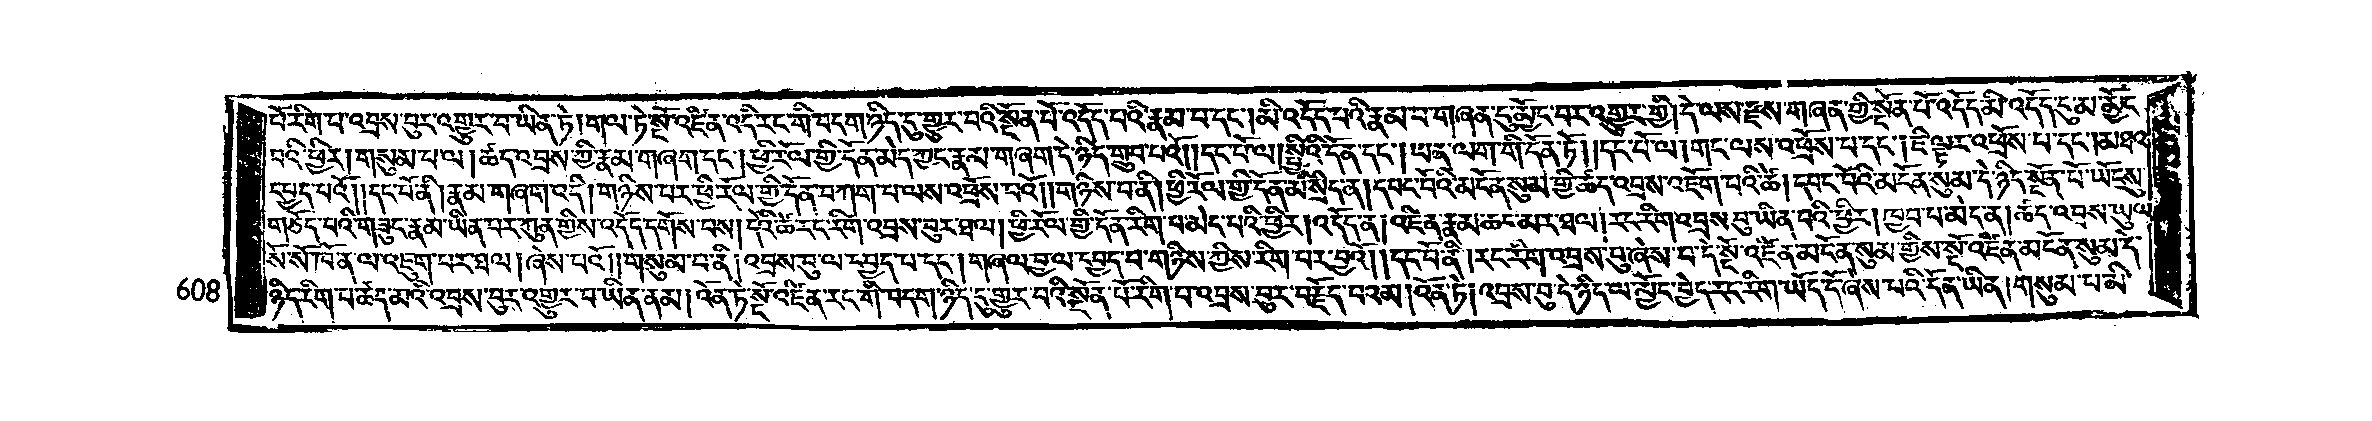པོ་རིག་པ་འབྲས་བུར་འགྱུར་བ་ཡིན་ཏེ། གལ་ཏེ་སྔོ་འཛིན་འདི་རང་གི་བདག་ཉིད་དུ་གྱུར་བའི་སྔོན་པོ་འདོད་པའི་རྣམ་པ་དང་། མི་འདོད་པའི་རྣམ་པ་གཞན་དུ་མྱོང་བར་འགྱུར་གྱི། དེ་ལས་རྫས་གཞན་གྱི་སྔོན་པོ་འདོད་མི་འདོད་དུ་མ་མྱོང་
བའི་ཕྱིར། གསུམ་པ་ལ། ཚད་འབྲས་ཀྱི་རྣམ་གཞག་དང་། ཕྱི་རོལ་གྱི་དོན་མེད་ཀྱང་རྣམ་གཞག་དེ་ཉིད་གྲུབ་པའི། །དང་པོ་ལ། སྤྱིའི་དོན་དང་། ཡན་ལག་གི་དོན་ཏོ། །དང་པོ་ལ། གང་ལས་འཕྲོས་པ་དང་། ཇི་ལྟར་འཕྲོས་པ་དང་། མཐའ་
དཔྱད་པའོ། །དང་པོ་ནི། རྣམ་གཞག་འདི། གཉིས་པར་ཕྱི་རོལ་གྱི་དོན་བཀག་པ་ལས་འཕྲོས་པའོ། །གཉིས་པ་ནི། ཕྱི་རོལ་གྱི་དོན་མི་སྲིད་ན། དབང་པོའི་མངོན་སུམ་གྱི་ཚད་འབྲས་འཇོག་པའི་ཚེ། དབང་པོའི་མངོན་སུམ་དེ་ཉིད་སྔོན་པོ་ཡོངས་སུ་
གཅོད་པའི་གཟུང་རྣམ་ཡིན་པར་ཀུན་གྱིས་འདོད་དགོས་པས། དེའི་ཚེ་རང་རིག་འབྲས་བུར་ཐལ། ཕྱི་རོལ་གྱི་དོན་རིག་པ་མེད་པའི་ཕྱིར། འདོད་ན། འཛིན་རྣམ་ཚད་མར་ཐལ། རང་རིག་འབྲས་བུ་ཡིན་པའི་ཕྱིར། ཁྱབ་པ་མེད་ན། ཚད་འབྲས་ཡུལ་
སོ་སོ་ཁོ་ན་ལ་འཇུག་པར་ཐལ། ཞེས་པའོ། །གསུམ་པ་ནི། འབྲས་བུ་ལ་དཔྱད་པ་དང་། གཞལ་བྱ་ལ་བྱད་པ་གཉིས་ཀྱིས་རིག་པར་བྱའོ། །དང་པོ་ནི། རང་རིག་འབྲས་བུ་ཞེས་པ་དེ་སྡེ་འཛིན་མངོན་སུམ་གྱིས་སྔོ་འཛིན་མངོན་སུམ་དེ་
ཉིད་རིག་པ་ཚད་མའི་འབྲས་བུར་འགྱུར་པ་ཡིན་ནམ། འོན་ཏེ་སྔོ་འཛིན་རང་གི་བདག་ཉིད་དུ་གྱུར་པའི་སྔོན་པོ་རིག་པ་འབྲས་བུར་བརྗོད་པའམ་།འོན་ཏེ། འབྲས་བུ་དེ་ཉིད་ལ་མྱོང་བྱེད་རང་རིག་ཡོད་དོ་ཞེས་པའི་དོན་ཡིན། གསུམ་པ་མི་